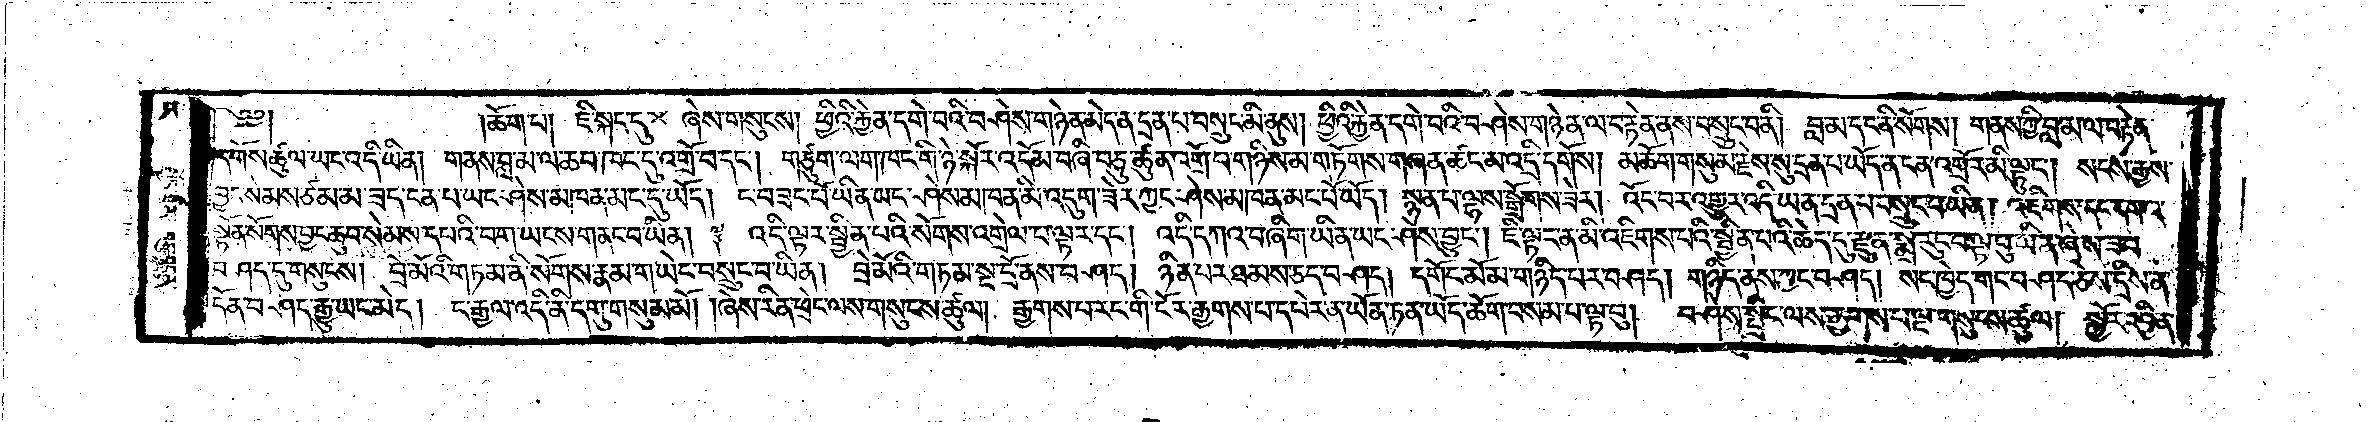༄༅། །ཆོག་པ། ཇི་སྐད་དུ་྾་ཞེས་གསུངས། ཕྱིའི་རྐྱེན་དགེ་བའི་བཤེས་གཉེན་མེད་ན་དྲན་པ་བསྲུང་མི་ནུས། ཕྱིའི་རྐྱེན་དགེ་བའི་བཤེས་གཉེན་ལ་བརྟེན་ནས་བསྲུང་བ་ནི། བླ་མ་དང་ནི་སོགས། གནས་ཀྱི་བླ་མ་ལ་བརྟེན་
དགོས་ཚུལ་ཡང་འདི་ཡིན། གནས་བླ་མ་ལ་ཆབ་ཁང་དུ་འགྲོ་བ་དང་། གཙུག་ལག་ཁང་གི་ཉེ་སྐོར་འདོམ་བཞི་བཅུ་ཚུན་འགྲོ་བ་གཉིས་མ་གཏོགས་གཞན་ཚང་མ་འདྲི་དགོས། མཆོག་གསུམ་རྗེས་སུ་དྲན་པ་ཡོད་ན་འགྲོར་མི་ལྟུང་། སངས་རྒྱས་
བྱང་སེམས་ཙམ་མ་ཟད་ངན་པ་ཡང་ཤེས་མཁན་མང་དུ་ཡོད། ང་བཟང་པོ་ཡིན་ཡང་ཤེས་མཁན་མི་འདུག་ཟེར་ཀྱང་ཤེས་མཁན་མང་པོ་ཡོད། སྙུན་པ་ལྷས་སྒྲོགས་ཟེར། འོང་བར་འགྱུར་འདི་ཡན་དྲན་པ་བསྲུང་བ་ཡིན། འཇིགས་དང་དགའ་
སྟོན་སོགས་བྱང་ཆུབ་སེམས་དཔའི་བག་ཡངས་གནང་བ་ཡིན། ༈ འདི་ལྟར་སྦྱིན་པའི་སོགས་འགྲེལ་པ་ལྟར་དང་། འདི་དཀའ་བ་ཞིག་ཡིན་ཡང་ཤེས་བྱུང་། ཇི་ལྟར་ན་མི་འཇིགས་པའི་སྦྱིན་པའི་ཆེད་དུ་རྫུན་སྨྲ་རུང་བ་ལྟ་བུ་ཡིན་ཞེས་ཟབ་
བཤད་དུ་གསུངས། བྲེ་མོའི་གཏམ་ནི་སོགས་རྣམ་གཡེང་བསྲུང་བ་ཡིན། བྲེ་མོའི་གཏམ་སྔ་དྲོ་ནས་བཤད། ཉིན་པར་ཐམས་ཅད་བཤད། དགོང་མོ་མ་གཉིད་པར་བཤད། གཉིད་ནས་ཀྱང་བཤད། སང་ཁྱེད་གང་བཤད་ཅེས་དྲིས་ན་
དོན་བཤད་རྒྱུ་ཡང་མེད། ང་རྒྱལ་འདི་ནི་དགུ་གསུམ་མོ། །ཞེས་རིན་ཕྲེང་ལས་གསུངས་ཚུལ། རྒྱགས་པ་རང་གི་ངོར་རྒྱགས་པ་དཔེར་ན་ཡོན་ཏན་ཡོད་ཆོག་བསམ་པ་ལྟ་བུ། བཤེས་སྤྲིང་ལས་རྒྱགས་པ་ལྔ་གསུངས་ཚུལ། སྐྱོར་འབྱིན་